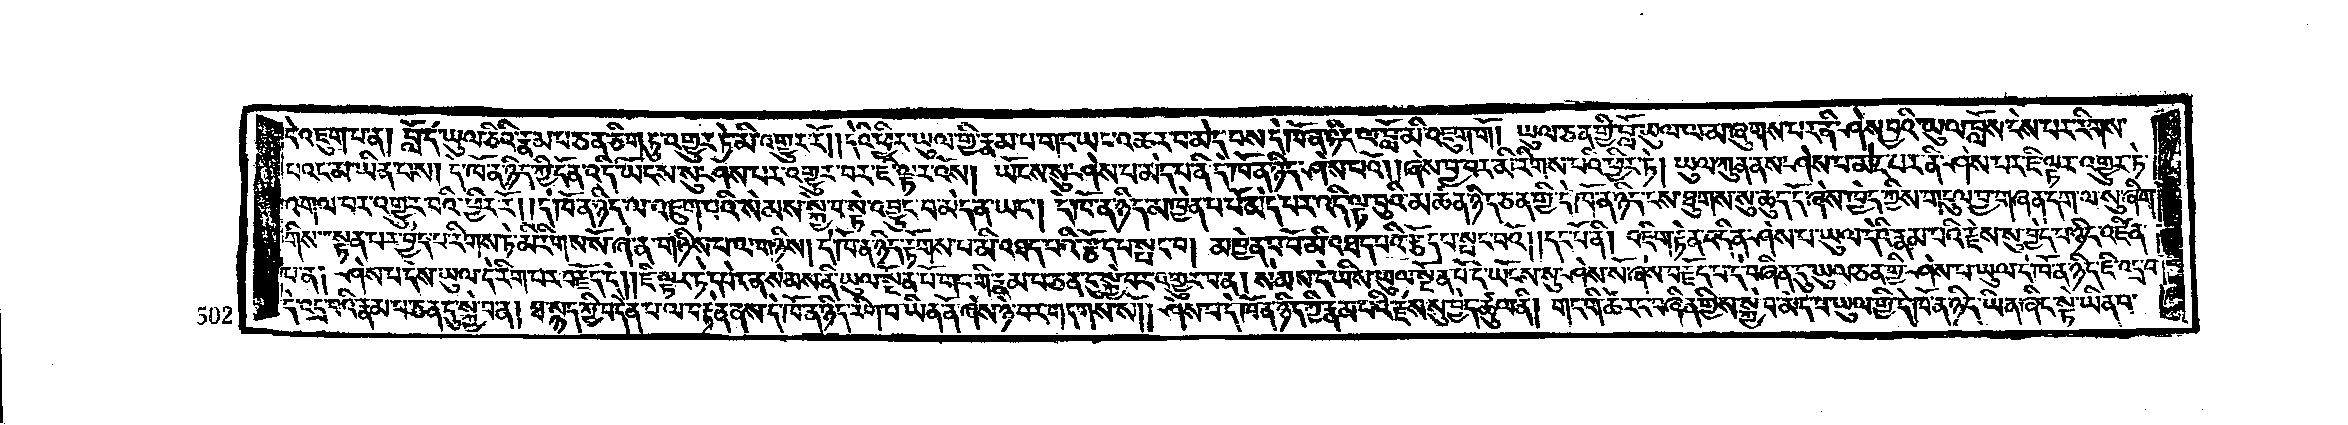དེ་འཇུག་པ་ན། བློ་དེ་ཡུལ་ཅིའི་རྣམ་པ་ཅན་ཅིག་ཏུ་འགྱུར་ཏེ་མི་འགྱུར་རོ། །དེའི་ཕྱིར་ཡུལ་གྱི་རྣམ་པ་གང་ཡང་འཆར་བ་མེད་པས་དེ་ཁོ་ན་ཉིད་ལ་བློ་མི་འཇུག་གོ །ཡུལ་ཅན་གྱི་བློ་ཡུལ་ལ་མ་ཞུགས་པར་ནི་ཤེས་བྱའི་ཡུལ་བློས་ངེས་པར་རིགས་
པའང་མ་ཡིན་པས། དེ་ཁོ་ན་ཉིད་ཀྱི་དོན་འདི་ཡོངས་སུ་ཤེས་པར་འགྱུར་བར་ཇི་ལྟར་འོས། ཡོངས་སུ་ཤེས་པ་མེད་པ་ནི་དེ་ཁོ་ན་ཉིད་ཤེས་པའོ། །ཞེས་བྱ་བར་མི་རིགས་པའི་ཕྱིར་ཏེ། ཡུལ་ཀུན་ནས་ཤེས་པ་མེད་པར་ནི་ཤེས་པར་ཇི་ལྟར་འགྱུར་ཏེ་
འགལ་བར་འགྱུར་བའི་ཕྱིར་རོ། །དེ་ཁོ་ན་ཉིད་ལ་འཇུག་པའི་སེམས་སྐྱེ་བ་སྟེ་འབྱུང་བ་མེད་ན་ཡང་། དེ་ཁོ་ན་ཉིད་མཁྱེན་པ་པོ་མེད་པར་འདི་ལྟ་བུའི་མཚན་ཉིད་ཅན་གྱི་དེ་ཁོ་ན་ཉིད་ངས་ཐུགས་སུ་ཆུད་དོ་ཞེས་ཁྱེད་ཀྱིས་གདུལ་བྱ་གཞན་དག་ལ་སུ་ཞིག་
གིས་སྟོན་པར་བྱེད་པ་རིགས་ཏེ་མི་རིགས་སོ་ཞེ་ན་གཉིས་པ་ལ་གཉིས། དེ་ཁོ་ན་ཉིད་རྟོགས་པ་མི་འཐད་པའི་རྩོད་པ་སྤང་བ། མཁྱེན་པ་པོ་མི་འཐད་པའི་རྩོད་པ་སྤང་བའོ། །དང་པོ་ནི། འཇིག་རྟེན་འདི་ན་ཤེས་པ་ཡུལ་དེའི་རྣམ་པའི་རྗེས་སུ་བྱེད་པ་ཉིད་འཛིན་
པ་ན། ཤེས་པ་དེས་ཡུལ་དེ་རིག་པར་བརྗོད་དེ། །ཇི་ལྟར་ཏེ་དཔེར་ན་སེམས་ནི་ཡུལ་སྔོན་པོ་གང་གི་རྣམ་པ་ཅན་དུ་སྐྱེ་བར་འགྱུར་བ་ན། སེམས་དེ་ཡིས་ཡུལ་སྔོན་པོ་དེ་ཡོངས་སུ་ཤེས་སོ་ཞེས་བརྗོད་པ་དེ་བཞིན་དུ་ཡུལ་ཅན་གྱི་ཤེས་པ་ཡུལ་དེ་ཁོ་ན་ཉིད་ཇི་འདྲ་བ་
དེ་འདྲ་བའི་རྣམ་པ་ཅན་དུ་སྐྱེ་བ་ན། ཐ་སྙད་གྱི་བདེན་པ་ལ་བརྟེན་ནས་དེ་ཁོ་ན་ཉིད་རིག་པ་ཡིན་ནོ་ཞེས་ཉེ་བར་གདགས་སོ། །ཤེས་པ་དེ་ཁོ་ན་ཉིད་ཀྱི་རྣམ་པའི་རྗེས་སུ་བྱེད་ཚུལ་ནི། གང་གི་ཚེ་རང་བཞིན་གྱིས་སྐྱེ་བ་མེད་པ་ཡུལ་གྱི་དེ་ཁོ་ན་ཉིད་ཡིན་ཞིང་སྟེ་ཡིན་པ་